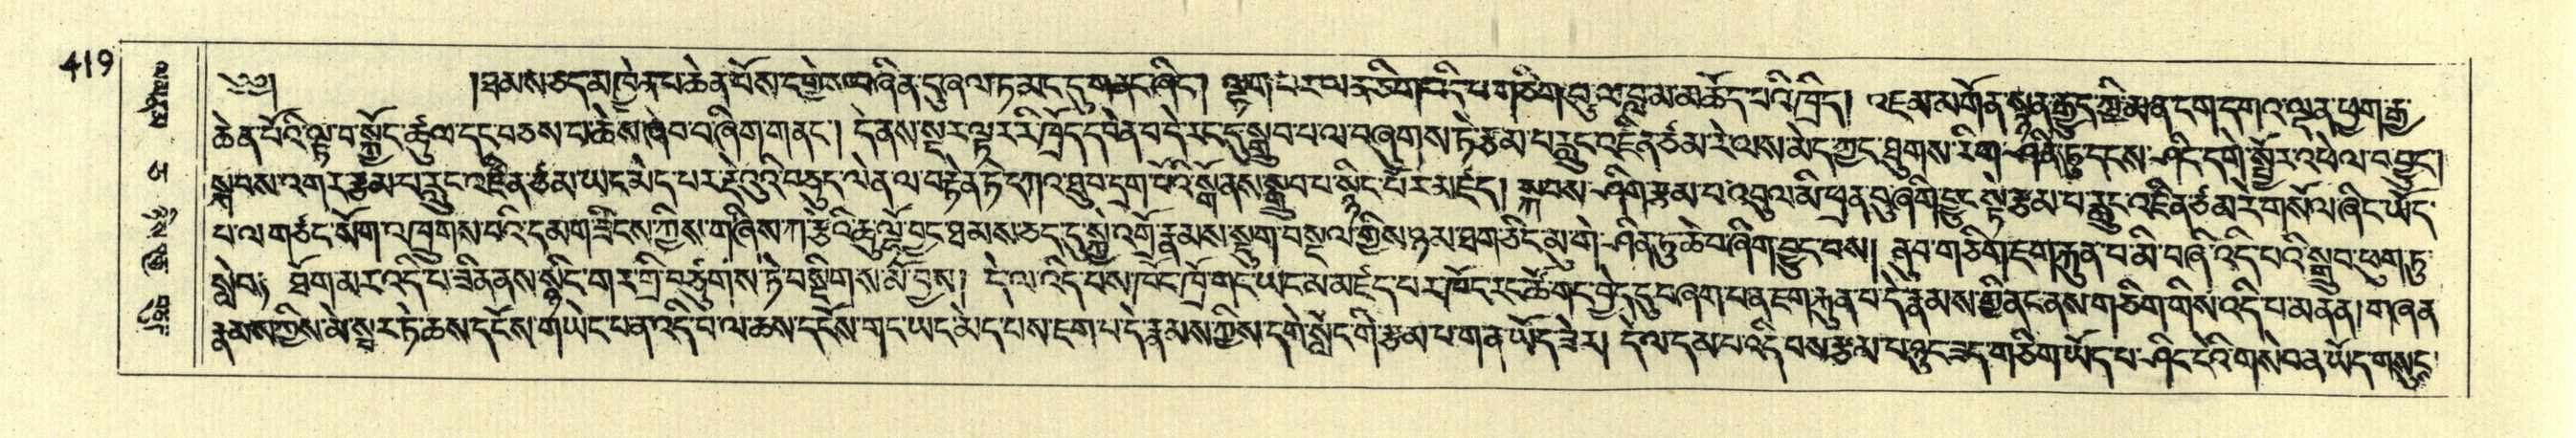༄༅། །ཐམས་ཅད་མཁྱེན་པ་ཆེན་པོས་དགྱེས་བཞིན་དུ་ཞལ་ཏ་མང་དུ་གནང་ཞིང་། ལྷག་པར་ལན་ཅིག་འདི་པ་གཅིག་བུ་ལ་བླ་མ་མཆོད་པའི་ཁྲིད། འཇམ་མགོན་སྙན་རྒྱུད་ཀྱི་མན་ངག་དགའ་ལྡན་ཕྱག་རྒྱ་
ཆེན་པོའི་ལྟ་བ་སྐྱོང་ཚུལ་དང་བཅས་པ་ཆེས་ཞེབ་བ་ཞིག་གནང་། དེ་ནས་སྔར་ལྟར་རི་ཁྲོད་དབེན་བ་དེ་རང་དུ་སྒྲུབ་པ་ལ་བཞུགས་ཏེ་རྩམ་པ་རླུང་འཛིན་ཙམ་རེ་ལས་མེད་ཀྱང་ཐུགས་རིག་ཤིན་ཏུ་དངས་ཤིང་དགེ་སྤྱོར་འཕེལ་བ་བྱུང་།
སྐབས་འགར་རྩམ་པ་རླུང་འཛིན་ཙམ་ཡང་མེད་པར་རྡེའུའི་བཅུད་ལེན་ལ་བརྟེན་ཏེ་དཀའ་ཐུབ་དྲག་པོའི་སྒོ་ནས་སྒྲུབ་པ་སྙིང་པོར་མཛད། སྐབས་ཤིག་རྩམ་པ་འབུལ་མི་ཕྲན་བུ་ཞིག་བྱུང་སྟེ་རྩམ་པ་རླུང་འཛིན་ཙམ་རེ་གསོལ་ཞིང་ཡོད་
པ་ལ་གཙང་སོག་འཁྲུགས་པའི་དམག་ཟིངས་ཀྱིས་གཞིས་ཀ་རྩེའི་ཆུ་ལྷོ་བྱང་ཐམས་ཅད་དུ་སྐྱེ་འགྲོ་རྣམས་སྡུག་བསྔལ་གྱིས་ཉམ་ཐག་ཅིང་མུ་གེ་ཤིན་ཏུ་ཆེ་བ་ཞིག་བྱུང་བས། ནུབ་གཅིག་ཇག་རྐུན་པ་མི་བཞི་འདི་པའི་སྒྲུབ་ཕུག་ཏུ་
སླེབ༑ ཐོག་མར་འདི་པ་ཟིན་ནས་སྙིང་གར་གྲི་བཙུགས་ཏེ་བསྡིགས་མོ་བྱས། དེ་ལ་འདི་པས་ཁོང་ཁྲོ་གང་ཡང་མ་མཛད་པར་ཁོང་རང་ཚོ་གང་བྱེད་དུ་བཞག་པ་ན་ཇག་རྐུན་པ་དེ་རྣམས་གྱི་ནང་ནས་གཅིག་གིས་འདི་པ་མནན། གཞན་
རྣམས་ཀྱིས་མེ་སྦར་ཏེ་ཆས་དངོས་གཡེང་པ་ན་འདི་པ་ལ་ཆས་དངོས་གང་ཡང་མེད་པས་ཇག་པ་དེ་རྣམས་ཀྱིས་དགེ་སློང་གི་རྩམ་པ་གན་ཡོད་ཟེར། དེ་ལ་དམ་པ་འདི་པས་རྩམ་པ་ཉུང་ཟད་གཅིག་ཡོད་པ་ཤིང་དེའི་གསེབ་ན་ཡོད་གསུངས་